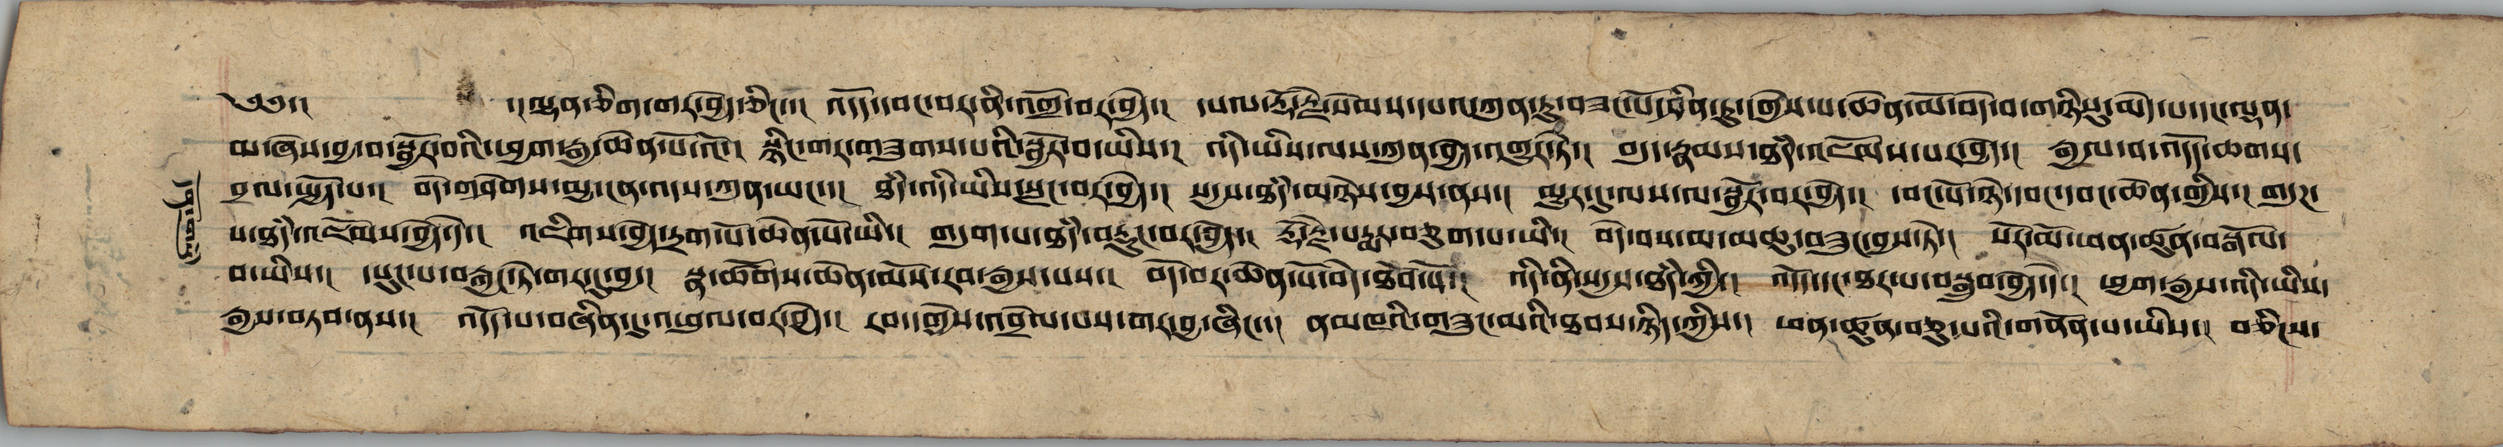༄༅་། ་།ལྷན་ཅིག་གར་བྱེད་ཅིང་་། འདོད་དབང་བར་ནི་འགྲོ་བར་བྱེད་། དཔལ་རྡོ་རྗེ་སེམས་དཔའ་ཀུན་ཏུ་བཟང་པོ་ཤིན་ཏུ་དགྱེས་པ་ཆེན་མོ་བདེ་བ་གཉིསུ་མེད་པ་དང་ལྷན་
མ་ཞེས་བྱ་བ་སྦྱོར་བའི་ཕྱག་རྒྱ་ཆེན་པོ་འོ་། སྙིང་གར་གཟུགས་པའི་སྦྱོར་བ་ཡིས་། འདི་ཡིས་ལས་ཀུན་བྱེད་འགྱུར་ཏེ་། བདུད་རྣམས་ཐཾད་འཇོམས་པར་བྱེད་། རྒྱལ་བ་འདོད་ཆགས་
བྲལ་སྤྱོད་པ་། བདེ་གཤེགས་མྱ་ངན་འདས་ཀུན་ཡང་་། ཐཾད་འདི་ཡིས་སླང་བར་བྱེད་། སདྱས་ཐཾད་མཉེས་བྱས་ནས་། མྱུར་དུ་ལས་ལ་སྦྱོར་བར་བྱེད་། དབང་པོ་ཉེ་དབང་དབང་ཆེན་གྱིས་། གདུཌ་
པ་ཐཾད་འཇོམས་བྱེད་དེ་། འཇིགས་བྱེད་དྲག་པོ་ཆེན་པོ་ཡི་། གདུག་པ་ཐཾད་བརྡུང་བར་བྱེད་། རྡོ་རྗེ་པདྨར་བཅུག་པ་ཡི་། བདེ་བས་མ་མཆུ་བཟུང་བྱས་ཏེ་། སོར་མོ་ཕན་ཚུན་བསྒོལ་
བ་ཡིས་། དཔུང་པ་བརྐྱང་ཏེ་གར་དུ་བྱ་། སྣ་ཚོགས་ཆེན་མོས་རབ་རྒྱས་པས་། བདེ་བར་ཆེན་པོ་བདེ་ཐོབ་པོ་། འདི་ནི་སདྱས་ཐཾད་ཀྱི་། འདོད་དང་ཐར་པ་བསྒྲུབ་བྱེད་དེ་། ཕྱག་རྒྱས་འདི་ཡིས་
རྒྱས་བཏབ་ནས་། འདོད་པ་བཞིན་དུ་འཕུལ་བར་བྱེད་། རབ་དགྱེས་འབྲེལ་བས་གར་བྱ་ཞིང་་། ནམཁའི་གཟུང་མའི་ཐབས་ཉིད་ཀྱིས་། ཕན་ཚུན་བཅུ་པའི་གནོན་པ་ཡིས་། བཅིངས་